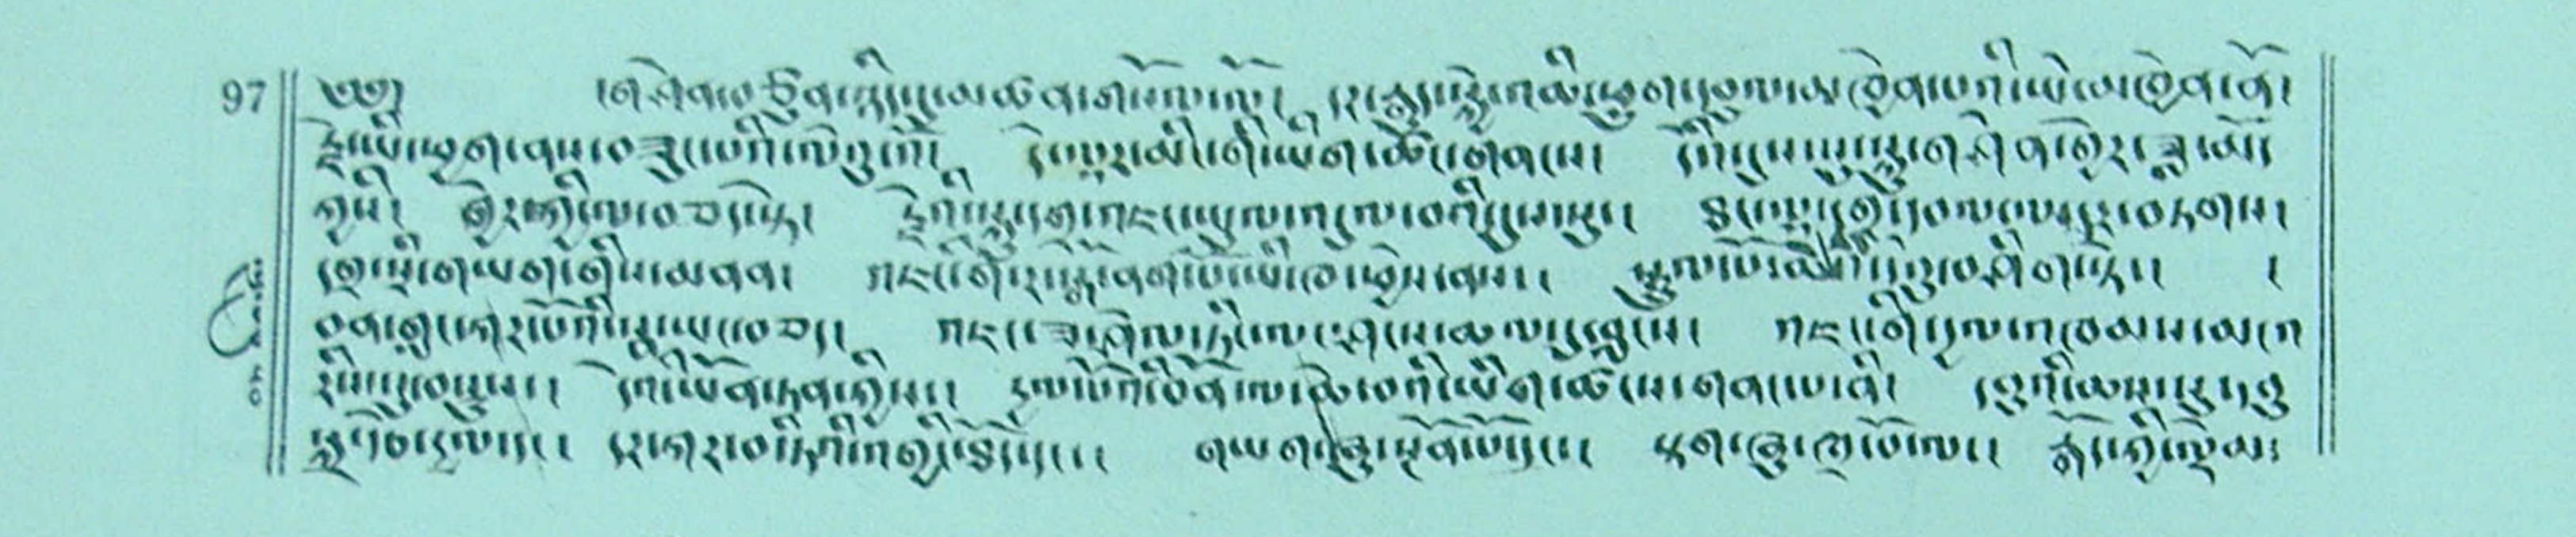༄༅། །གཤེན་བཙུན་ཉིད་དུ་མཚན་གསོལ་ལོ། །དར་རྒུད་སྐྱེ་འཆི་ཕྱུག་དབུལ་མཁྱེན་པའི་ཡེ་མཁྱེན་ནོ། །
རྗེའི་ཕྱག་ན་གཟུང་བའི་ལེའུ་འོ། །དེ་ལྟར་མིང་གི་ཡིག་ཚང་གནང་། དེའི་དུས་སུ་སྐུ་གཤེན་གྱེར་ཟླ་མོ་
ཀྱིས། གྱེར་གྱི་ལ་བཅད་དེ། རྗེའི་སྐུ་དགྲ་འཇང་ཡུལ་འདུལ་བའི་དུས་སུ། ཐང་ལྷ་དགྲ་དབལ་ལ་དར་བཏགས། 
དགྲ་སྲི་གཡག་གིས་མནན། འཇང་གི་ར་སྒོ་ནག་པོ་ཡི་ཁ་ཕྱེས་ནས། སྦྲུལ་པོ་ཆེའི་དེའུ་བཤིག་སྟེ། 
བན་གླང་དཀར་པོ་སྣ་ཡང་བཅད། འཇང་ཟ་ཤེལ་ཏིང་ལང་ཤངས་ཆལ་དུ་བླངས། འཇང་གི་རྒྱལ་ཁམས་མངའ་
རིས་སུ་བསྡུས། དེའི་ཡོན་ཏན་གྱིས། རྒྱལ་པོའི་ཡིས་བོན་ལ་ཆེ་བའི་ཡིག་ཚང་གནང་བ་ནི། དབུའི་ཆས་སུ་དབུ་
སྐྲ་རྩེ་རྒྱལ་དང་། དར་དཀར་བ་ཏིའི་འགྱིང་ཐོད་དང་། གཡག་ཞུ་སྔོན་པོ་དང་། སྟག་ཞུ་ཁྲ་བོ་ལས། རྒོད་ཀྱི་ལྡེམ་